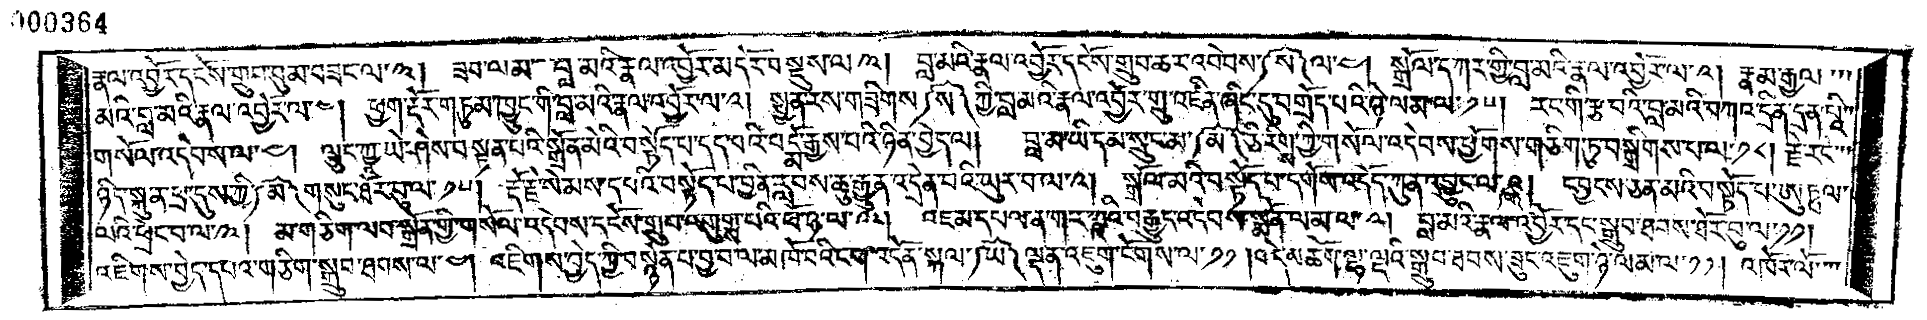རྣལ་འབྱོར་དངོས་གྲུབ་བུམ་བཟང་ལ ༣། ཟབ་ལམ་བླ་མའི་རྣལ་འབྱོར་མདོར་བསྡུས་ལ ༣། བླ་མའི་རྣལ་འབྱོར་དངོས་གྲུབ་ཆར་འབེབས ༼ས༽ ལ ༤། སྒྲོལ་དཀར་གྱི་བླ་མའི་རྣལ་འབྱོར་ལ ༢། རྣམ་རྒྱལ་
མའི་བླ་མའི་རྣལ་འབྱོར་ལ ༤། ཕྱག་རྡོར་གཏུམ་ཁྱུང་གི་བླ་མའི་རྣལ་འབྱོར་ལ ༢། སྤྱན་རས་གཟིགས ༼ས༽ ཀྱི་བླ་མའི་རྣལ་འབྱོར་གྲུ་འཛིན་ཞིང་དུ་བགྲོད་པའི་ཉེ་ལམ་ལ ༡༥། རང་གི་རྩ་བའི་བླ་མའི་བཀའ་དྲིན་དྲན་པའི་
གསོལ་འདེབས་ལ ༤། ལྕང་ཀྱཱ་ཡེ་ཤེས་བསྟན་པའི་སྒྲོན་མེའི་བསྟོད་པ་དད་པའི་པདམོ་རྒྱས་པའི་ཉིན་བྱེད་ལ། བླ་མ་ཡི་དམ་སྲུང་མ ༼མ༽ ཅི་རིགས་ཀྱི་གསོལ་འདེབས་ཕྱོགས་གཅིག་ཏུ་བསྒྲིགས་པ་ལ ༡༨། རྗེ་རང་
ཉིད་སྐུ་ན་ཕྲ་དུས་ཀྱི ༼མ༽ གསུང་ཐོར་བུ་ལ ༡༥། རྡོ་རྗེ་སེམས་དཔའི་བསྟོད་པ་བྱིན་རླབས་ཆུ་རྒྱུན་འདྲེན་པའི་ཡུར་བ་ལ ༢། སྒྲོལ་མའི་བསྟོད་པ་དགོས་འདོད་ཀུན་འབྱུང་ལ ༩། དབྱངས་ཅན་མའི་བསྟོད་པ་ཨུཏྤལ་
ལའི་ཕྲེང་བ་ལ ༣། མ་གཅིག་ལམ་སྒྲོན་གྱི་གསོལ་འདེབས་དངོས་གྲུབ་འགུགས་པའི་ཕོ་ཉ་ལ ༣། འཇམ་དཔལ་ན་ག་རཀྵའི་བརྒྱུད་འདེབས་སྨོན་ལམ་ལ ༢། བླ་མའི་རྣལ་འབྱོར་དང་སྒྲུབ་ཐབས་ཐོར་བུ་ལ ༡༡།
འཇིགས་བྱེད་དཔའ་གཅིག་སྒྲུབ་ཐབས་ལ ༤། འཇིགས་བྱེད་ཀྱི་བསྙེན་པ་བྱ་བ་ལ་མཁོ་བའི་ངག་འདོན་སྐལ ༼ཡ༽ ལྡན་འཇུག་ངོགས་ལ ༡༡། བདེ་མཆོག་ལྷ་ལྔའི་སྒྲུབ་ཐབས་ཟུང་འཇུག་ཉེ་ལམ་ལ ༡༡། འཁོར་ལོ་